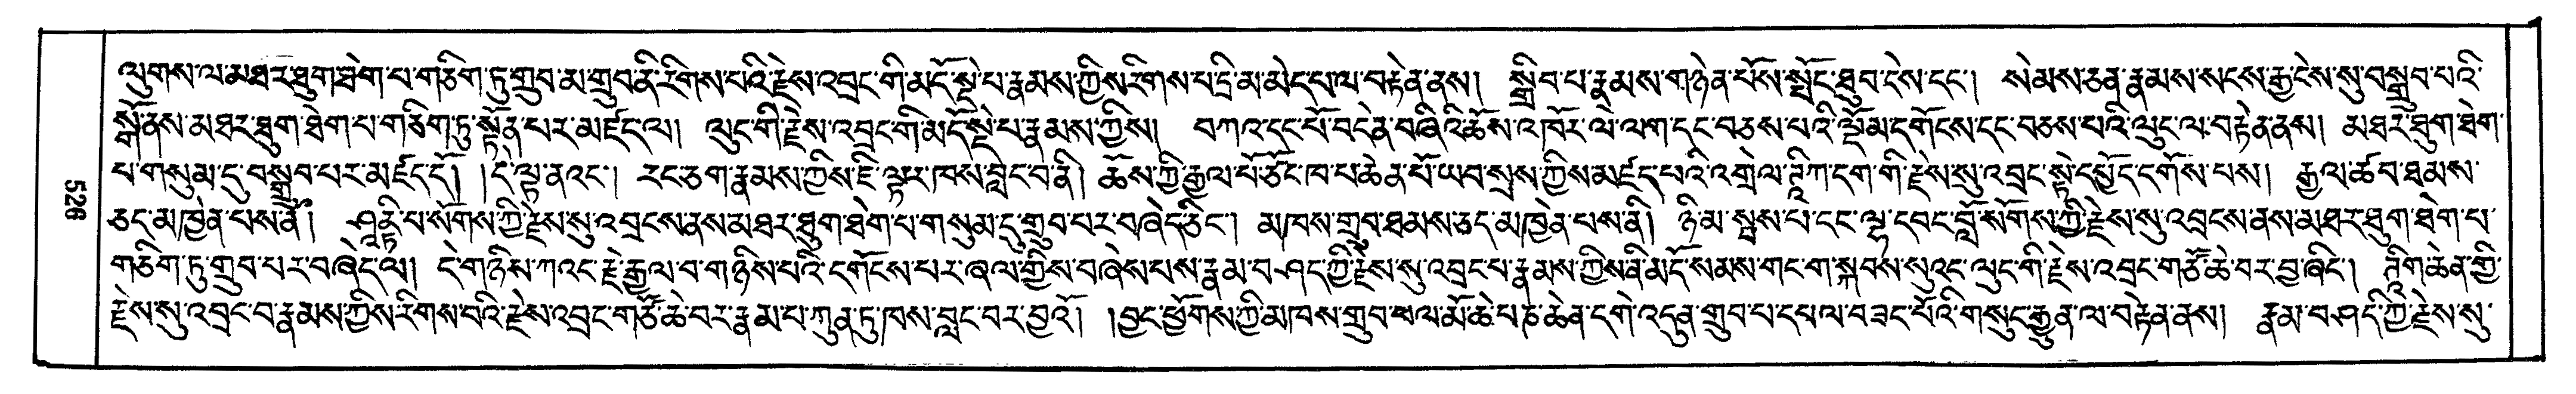ལུགས་ལ་མཐར་ཐུག་ཐེག་པ་གཅིག་ཏུ་གྲུབ་མ་གྲུབ་ནི་རིགས་པའི་རྗེས་འབྲང་གི་མདོ་སྡེ་པ་རྣམས་ཀྱིས་རིགས་པ་དྲི་མ་མེ་དཔ་ལ་བརྟེན་ནས། སྒྲིབ་པ་རྣམས་གཉེན་པོས་སྤོང་ཐུབ་ངེས་དང་། སེམས་ཅན་རྣམས་སངས་རྒྱས་ངེས་སུ་བསྒྲུབ་པའི་
སྒོ་ནས་མཐར་ཐུག་ཐེག་པ་གཅིག་ཏུ་སྟོན་པར་མཛད་ལ། ལུང་གི་རྗེས་འབྲང་གི་མདོ་སྡེ་པ་རྣམས་ཀྱིས། བཀའ་དང་པོ་བདེན་བཞིའི་ཆོས་འཁོར་ལེ་ལག་དང་བཅས་པའི་ལྡེམ་དགོངས་དང་བཅས་པའི་ལུང་ལ་བརྟེན་ནས། མཐར་ཐུག་ཐེག་
པ་གསུམ་དུ་བསྒྲུབ་པར་མཛད་དོ། །དེ་ལྟ་ནའང་། རང་ཅག་རྣམས་ཀྱིས་ཇི་ལྟར་ཁས་བླང་བ་ནི། ཆོས་ཀྱི་རྒྱལ་པོ་ཙོང་ཁ་པ་ཆེན་པོ་ཡབ་སྲས་ཀྱིས་མཛད་པའི་འགྲེལ་ཊཱི་ཀ་དག་གི་རྗེས་སུ་འབྲང་སྟེ་དཔྱོད་དགོས་པས། རྒྱལ་ཚབ་ཐབས་
ཅད་མཁྱེན་པས་ནི། ཤཱནྟི་པ་སོགས་ཀྱི་རྗེས་སུ་འབྲངས་ནས་མཐར་ཐུག་ཐེག་པ་གསུམ་དུ་གྲུབ་པར་བཞེད་ཅིང་། མཁས་གྲུབ་ཐམས་ཅད་མཁྱེན་པས། ཉི་མ་སྦས་པ་དང་ལྷ་དབང་བློ་སོགས་ཀྱི་རྗེས་སུ་འབྲངས་ནས་མཐར་ཐུག་ཐེག་པ་
གཅིག་ཏུ་གྲུབ་པར་བཞེད་ལ། དེ་གཉིས་ཀའང་རྗེ་རྒྱལ་བ་གཉིས་པའི་དགོངས་པར་དགོངས་པར་ཞལ་གྱིས་བཞེས་པས་རྣམ་བཤད་ཀྱི་རྗེས་སུ་འབྲང་བ་རྣམས་ཀྱིས་ནི་མདོ་སེམས་གང་གི་སྐབས་སུའང་ལུང་གི་རྗེས་འབྲས་གཙོ་ཆེ་བར་བྱ་ཞིང་། ཊཱི་ཀ་ཆེན་གྱི་
རྗེས་སུ་འབྲང་བ་རྣམས་ཀྱིས་རིགས་པའི་རྗེས་འབྲང་གཙོ་ཆེ་བར་རྣམ་པ་ཀུན་ཏུ་ཁས་བླང་བར་བྱའོ། །བྱང་ཕྱོགས་ཀྱི་མཁས་གྲུབ་ཕལ་མོ་ཆེ་པཎ་ཆེན་དགེ་འདུན་གྲུབ་པ་དཔལ་བཟང་པོའི་གསུང་རྒྱུན་ལ་བརྟེན་ནས། རྣམ་བཤད་ཀྱི་རྗེས་སུ་